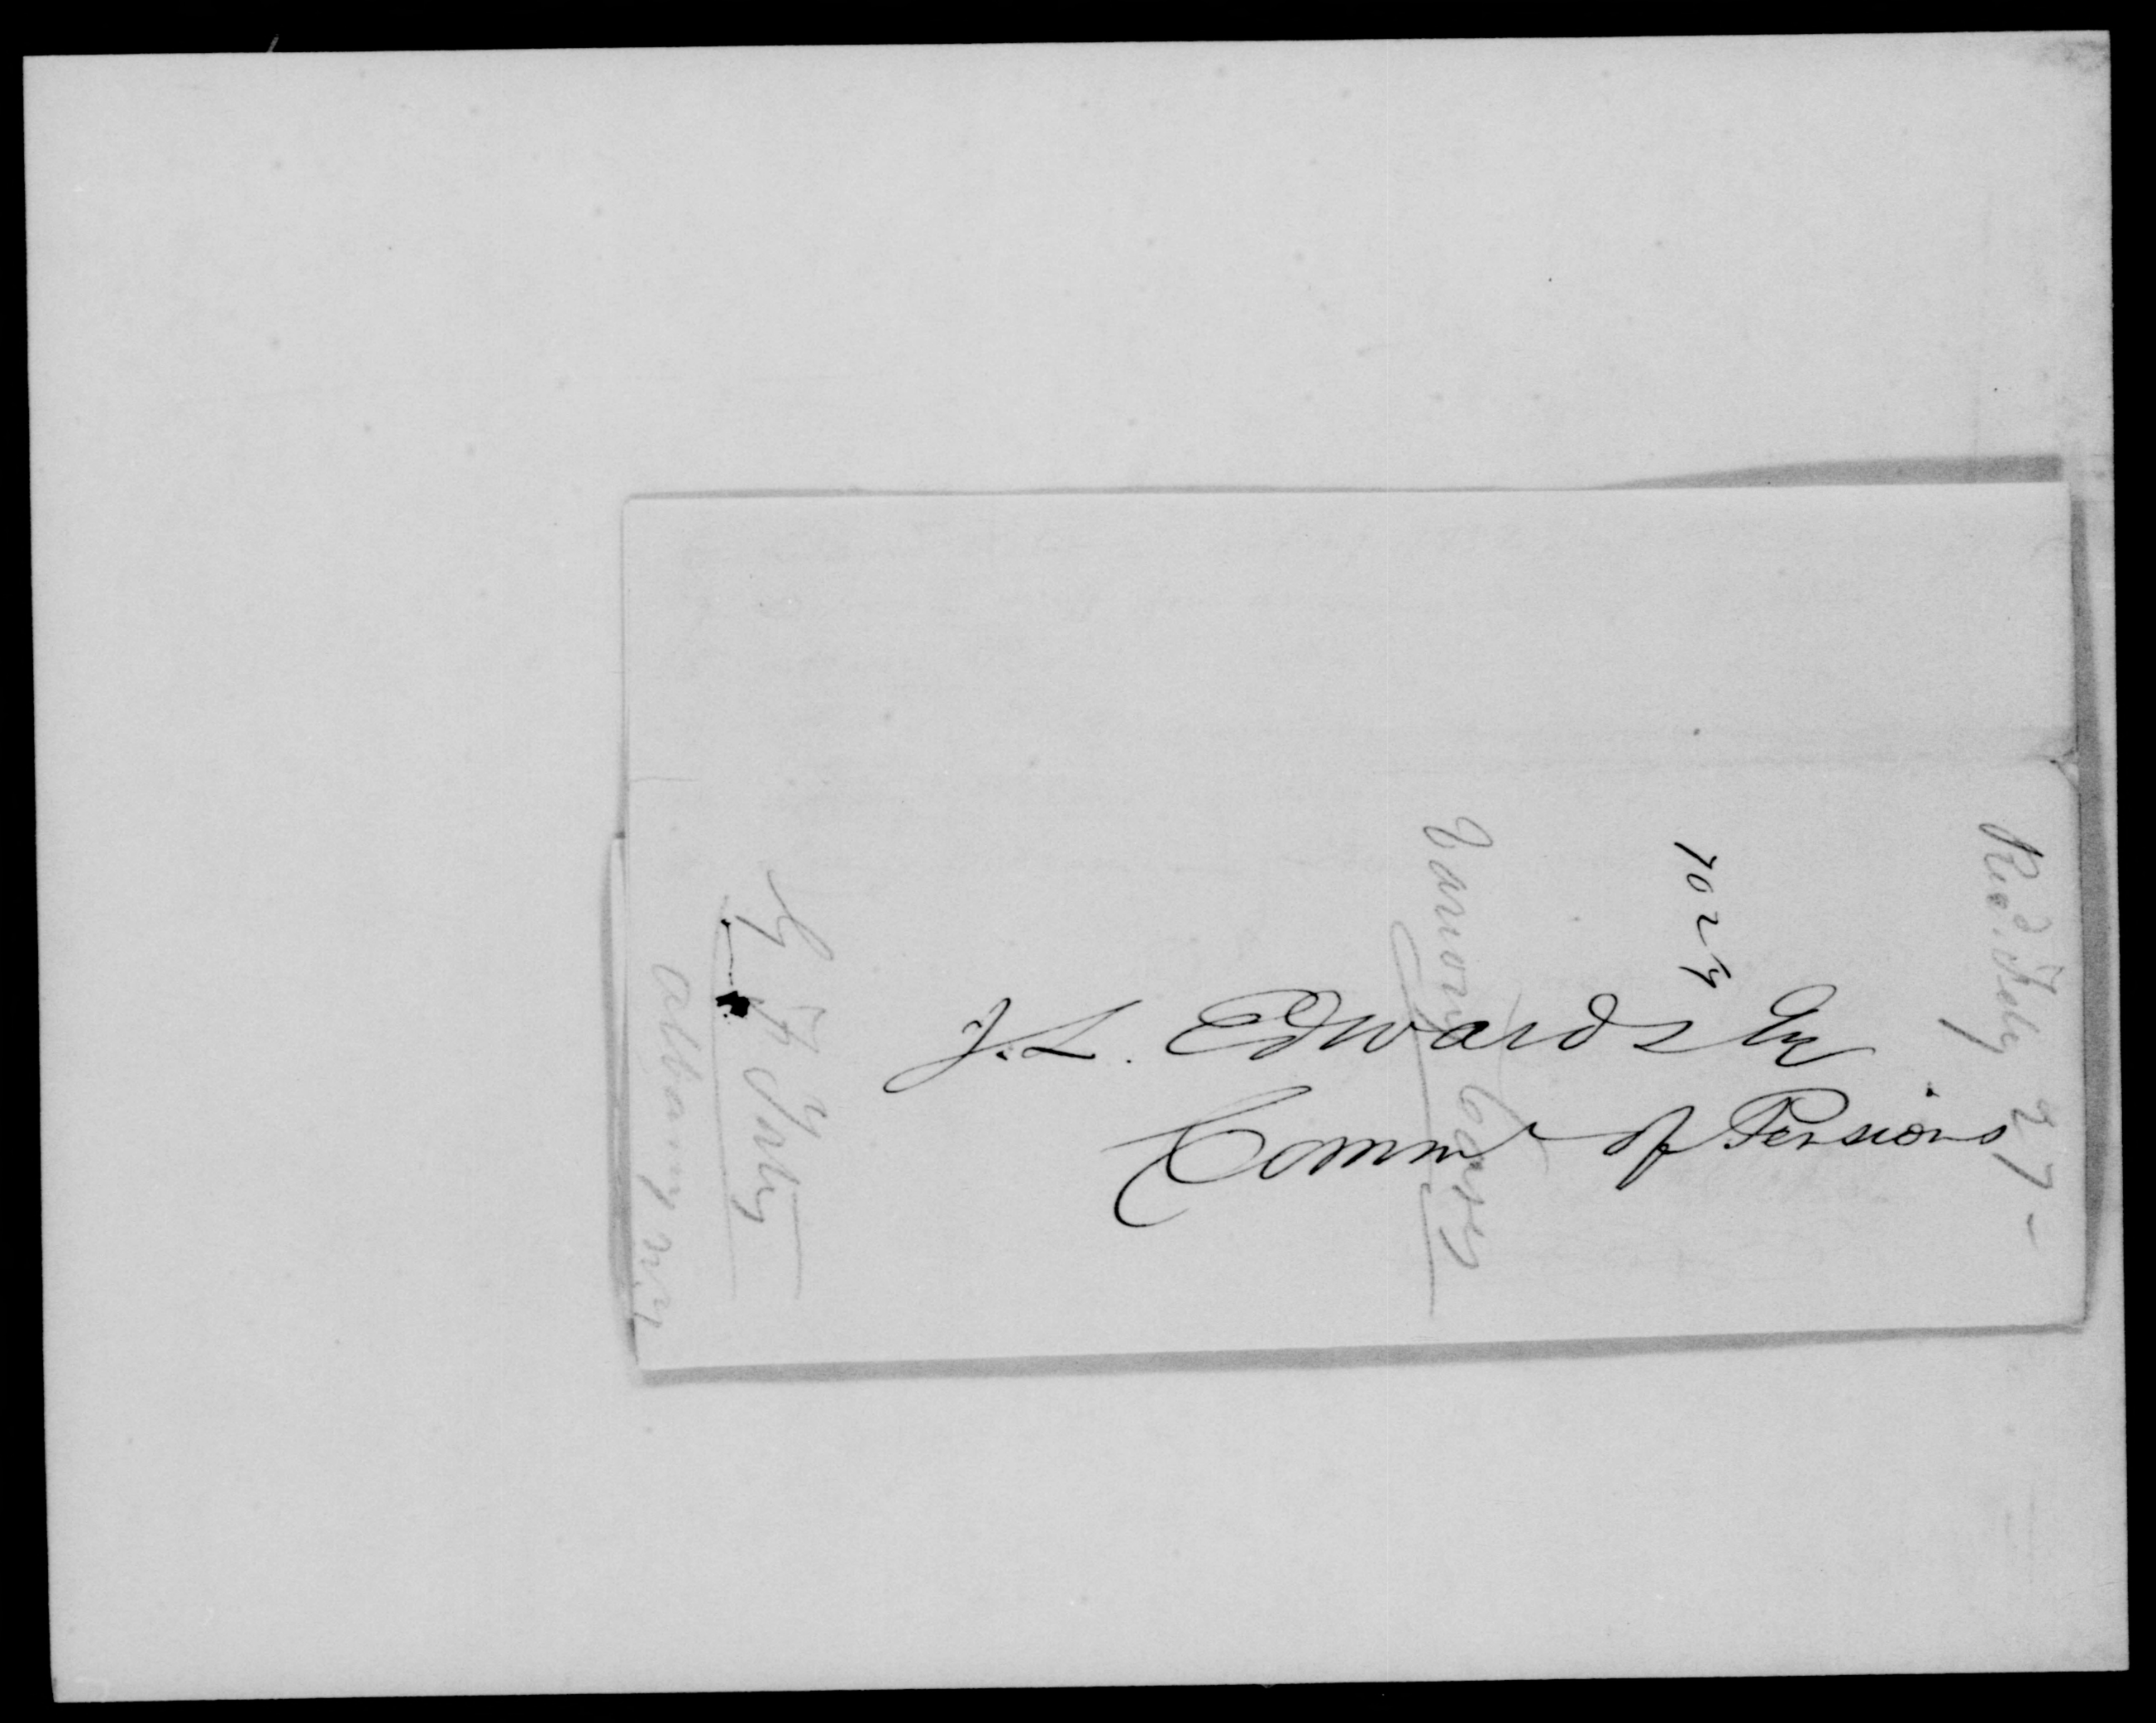(written width of Page)
J. L. Edwards Esq
Comm of Pensions

(written on top of address)

Recd. Feby 27--

702 (y?)

Various Cases

G F Yates
Albany NY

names: J L Edwards, G F Yates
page: 23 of 51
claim: widow's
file: W. 19604, Myndert B Wemple, New York